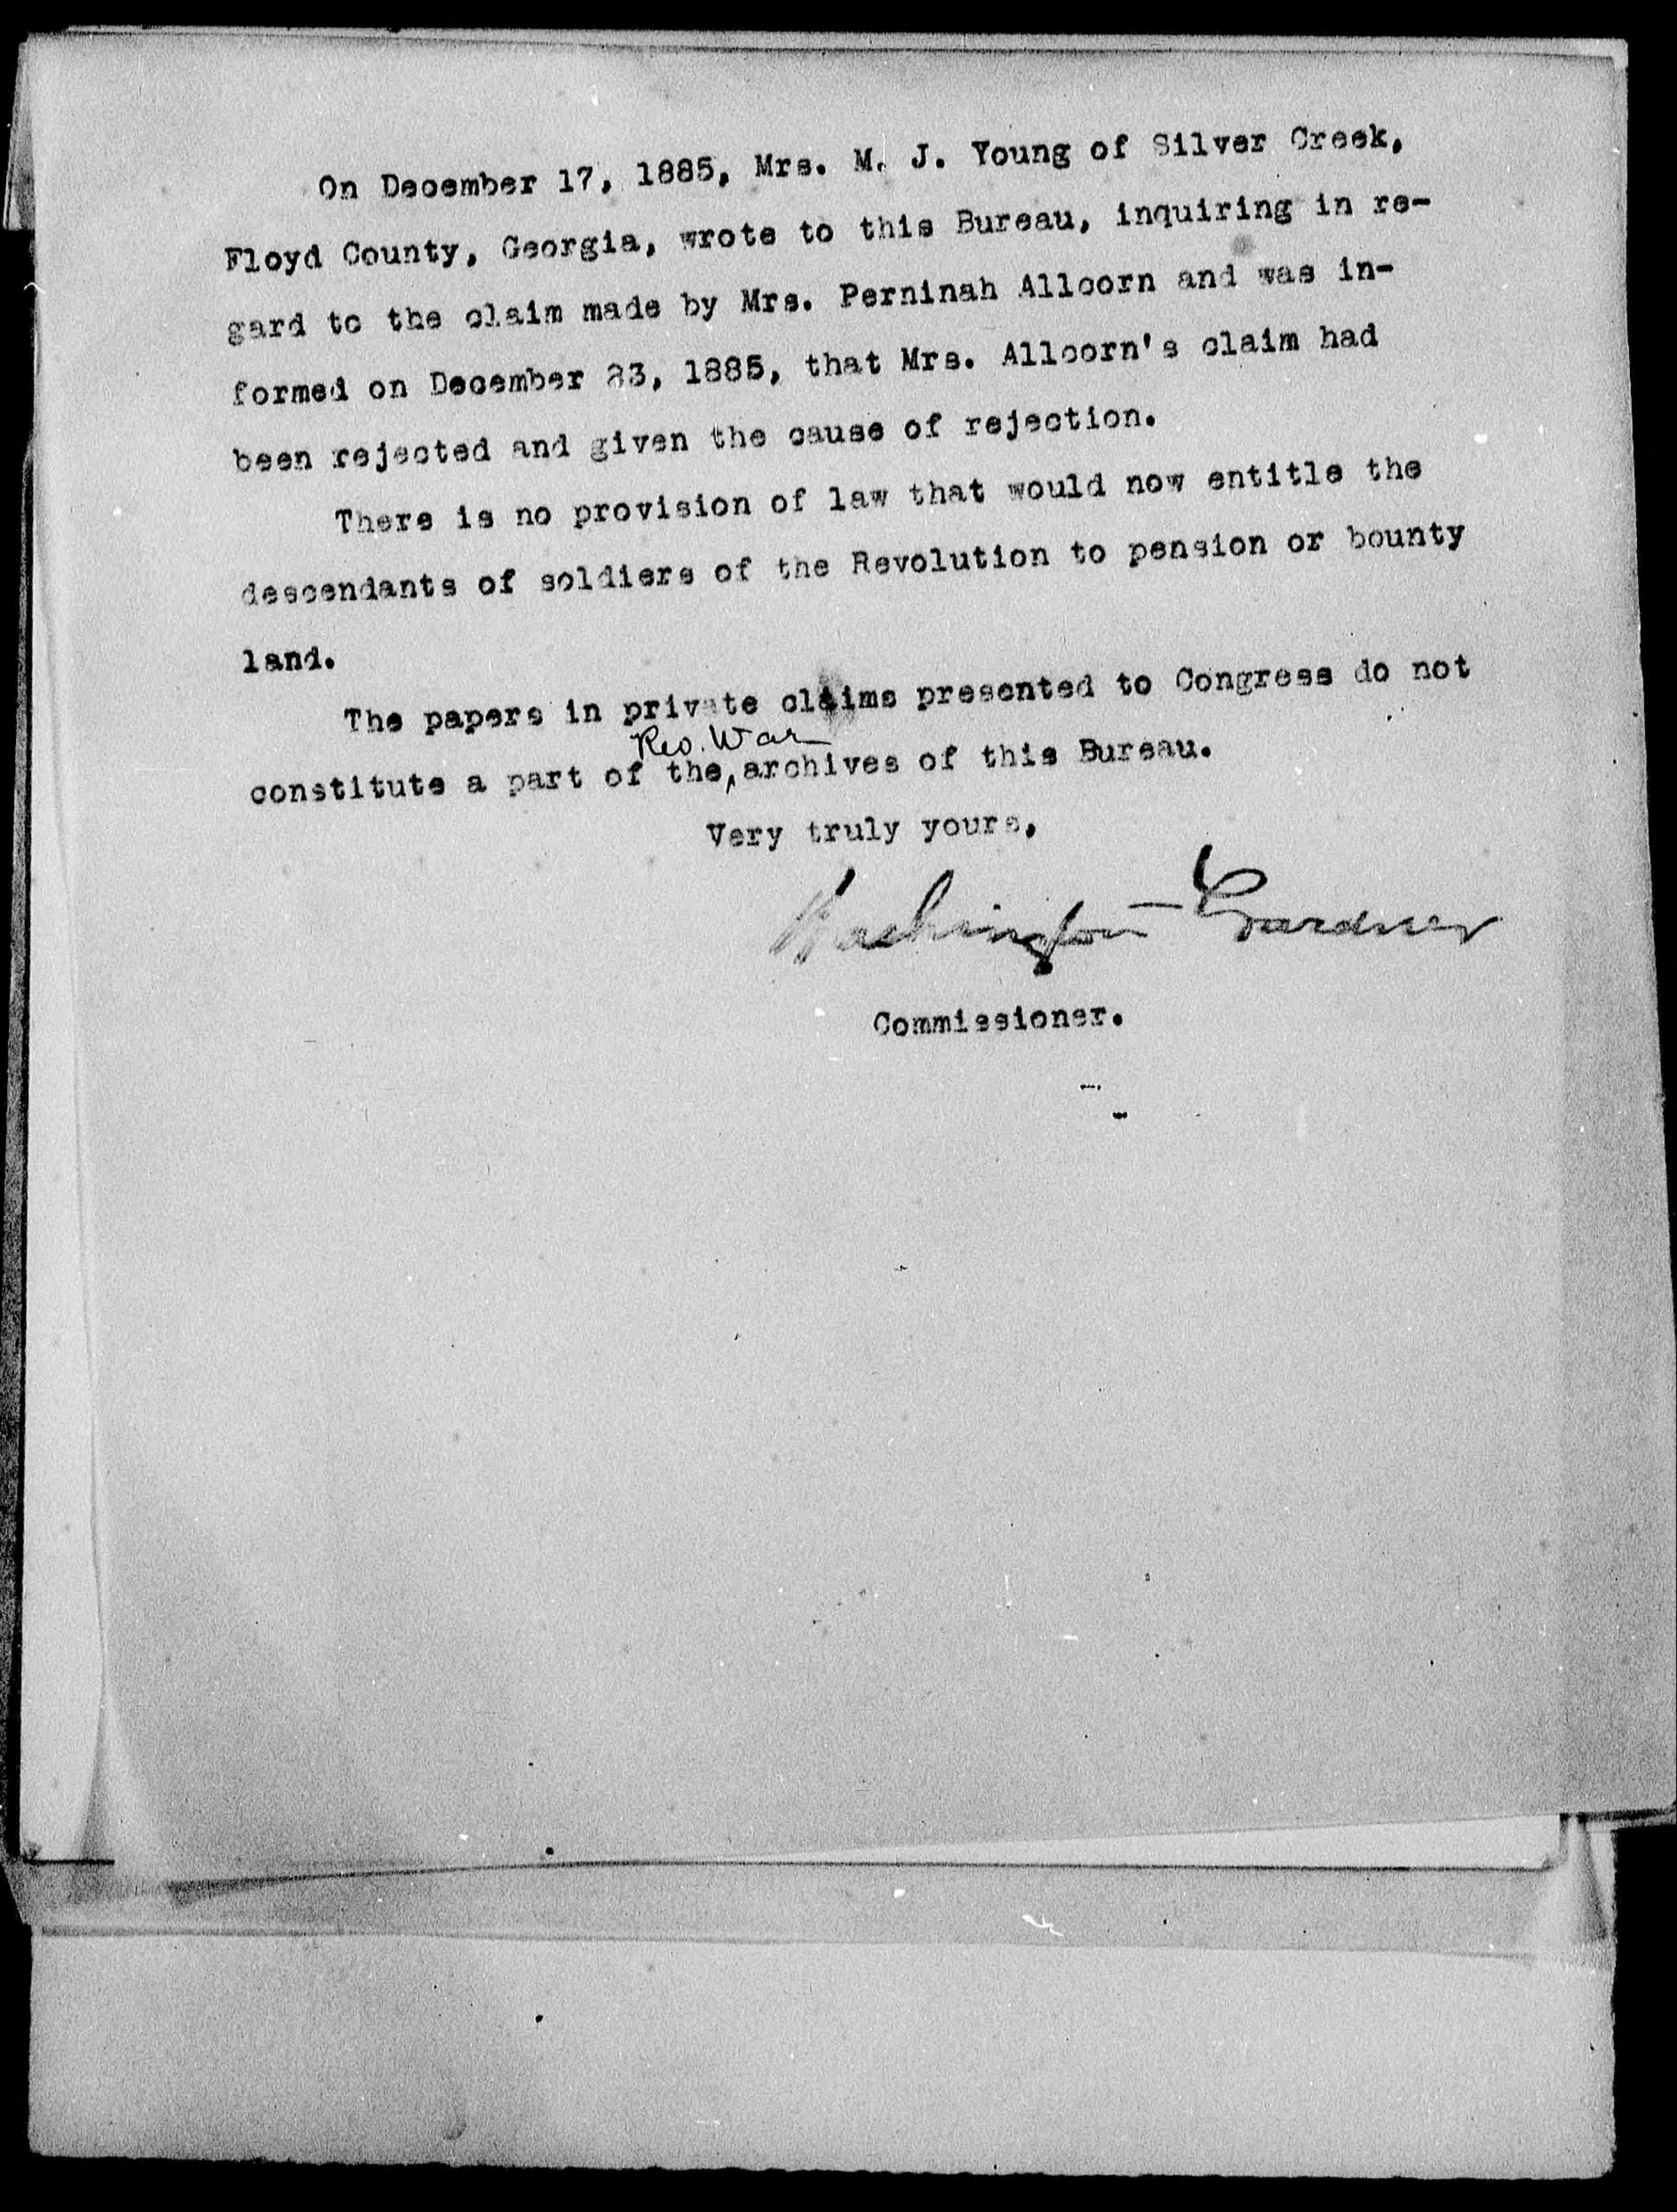On December 17, 1885, Mrs. M.J. Young of Silver Creek, Floyd County, Georgia, wrote to this Bureau, inquiring in regard to the claim made by Mrs. Perninah Allcorn and was informed on December 23, 1885, that Mrs. Allcorn's claim had been rejected and given the cause of rejection.
There is no provision of law that would now entitle the descendants of soldiers of the Revolution to pension or bounty land.  The papers in private claims presented to Congress do not constitute a part of the Rev. War archives of this Bureau.
Very truly yours,
Washington Gardner
Commissioner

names: Allcorn, Washington Gardner, Perninah Allcorn, M J Young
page: 22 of 32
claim: rejected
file: R. 4655, Jesse Harris, N.C.